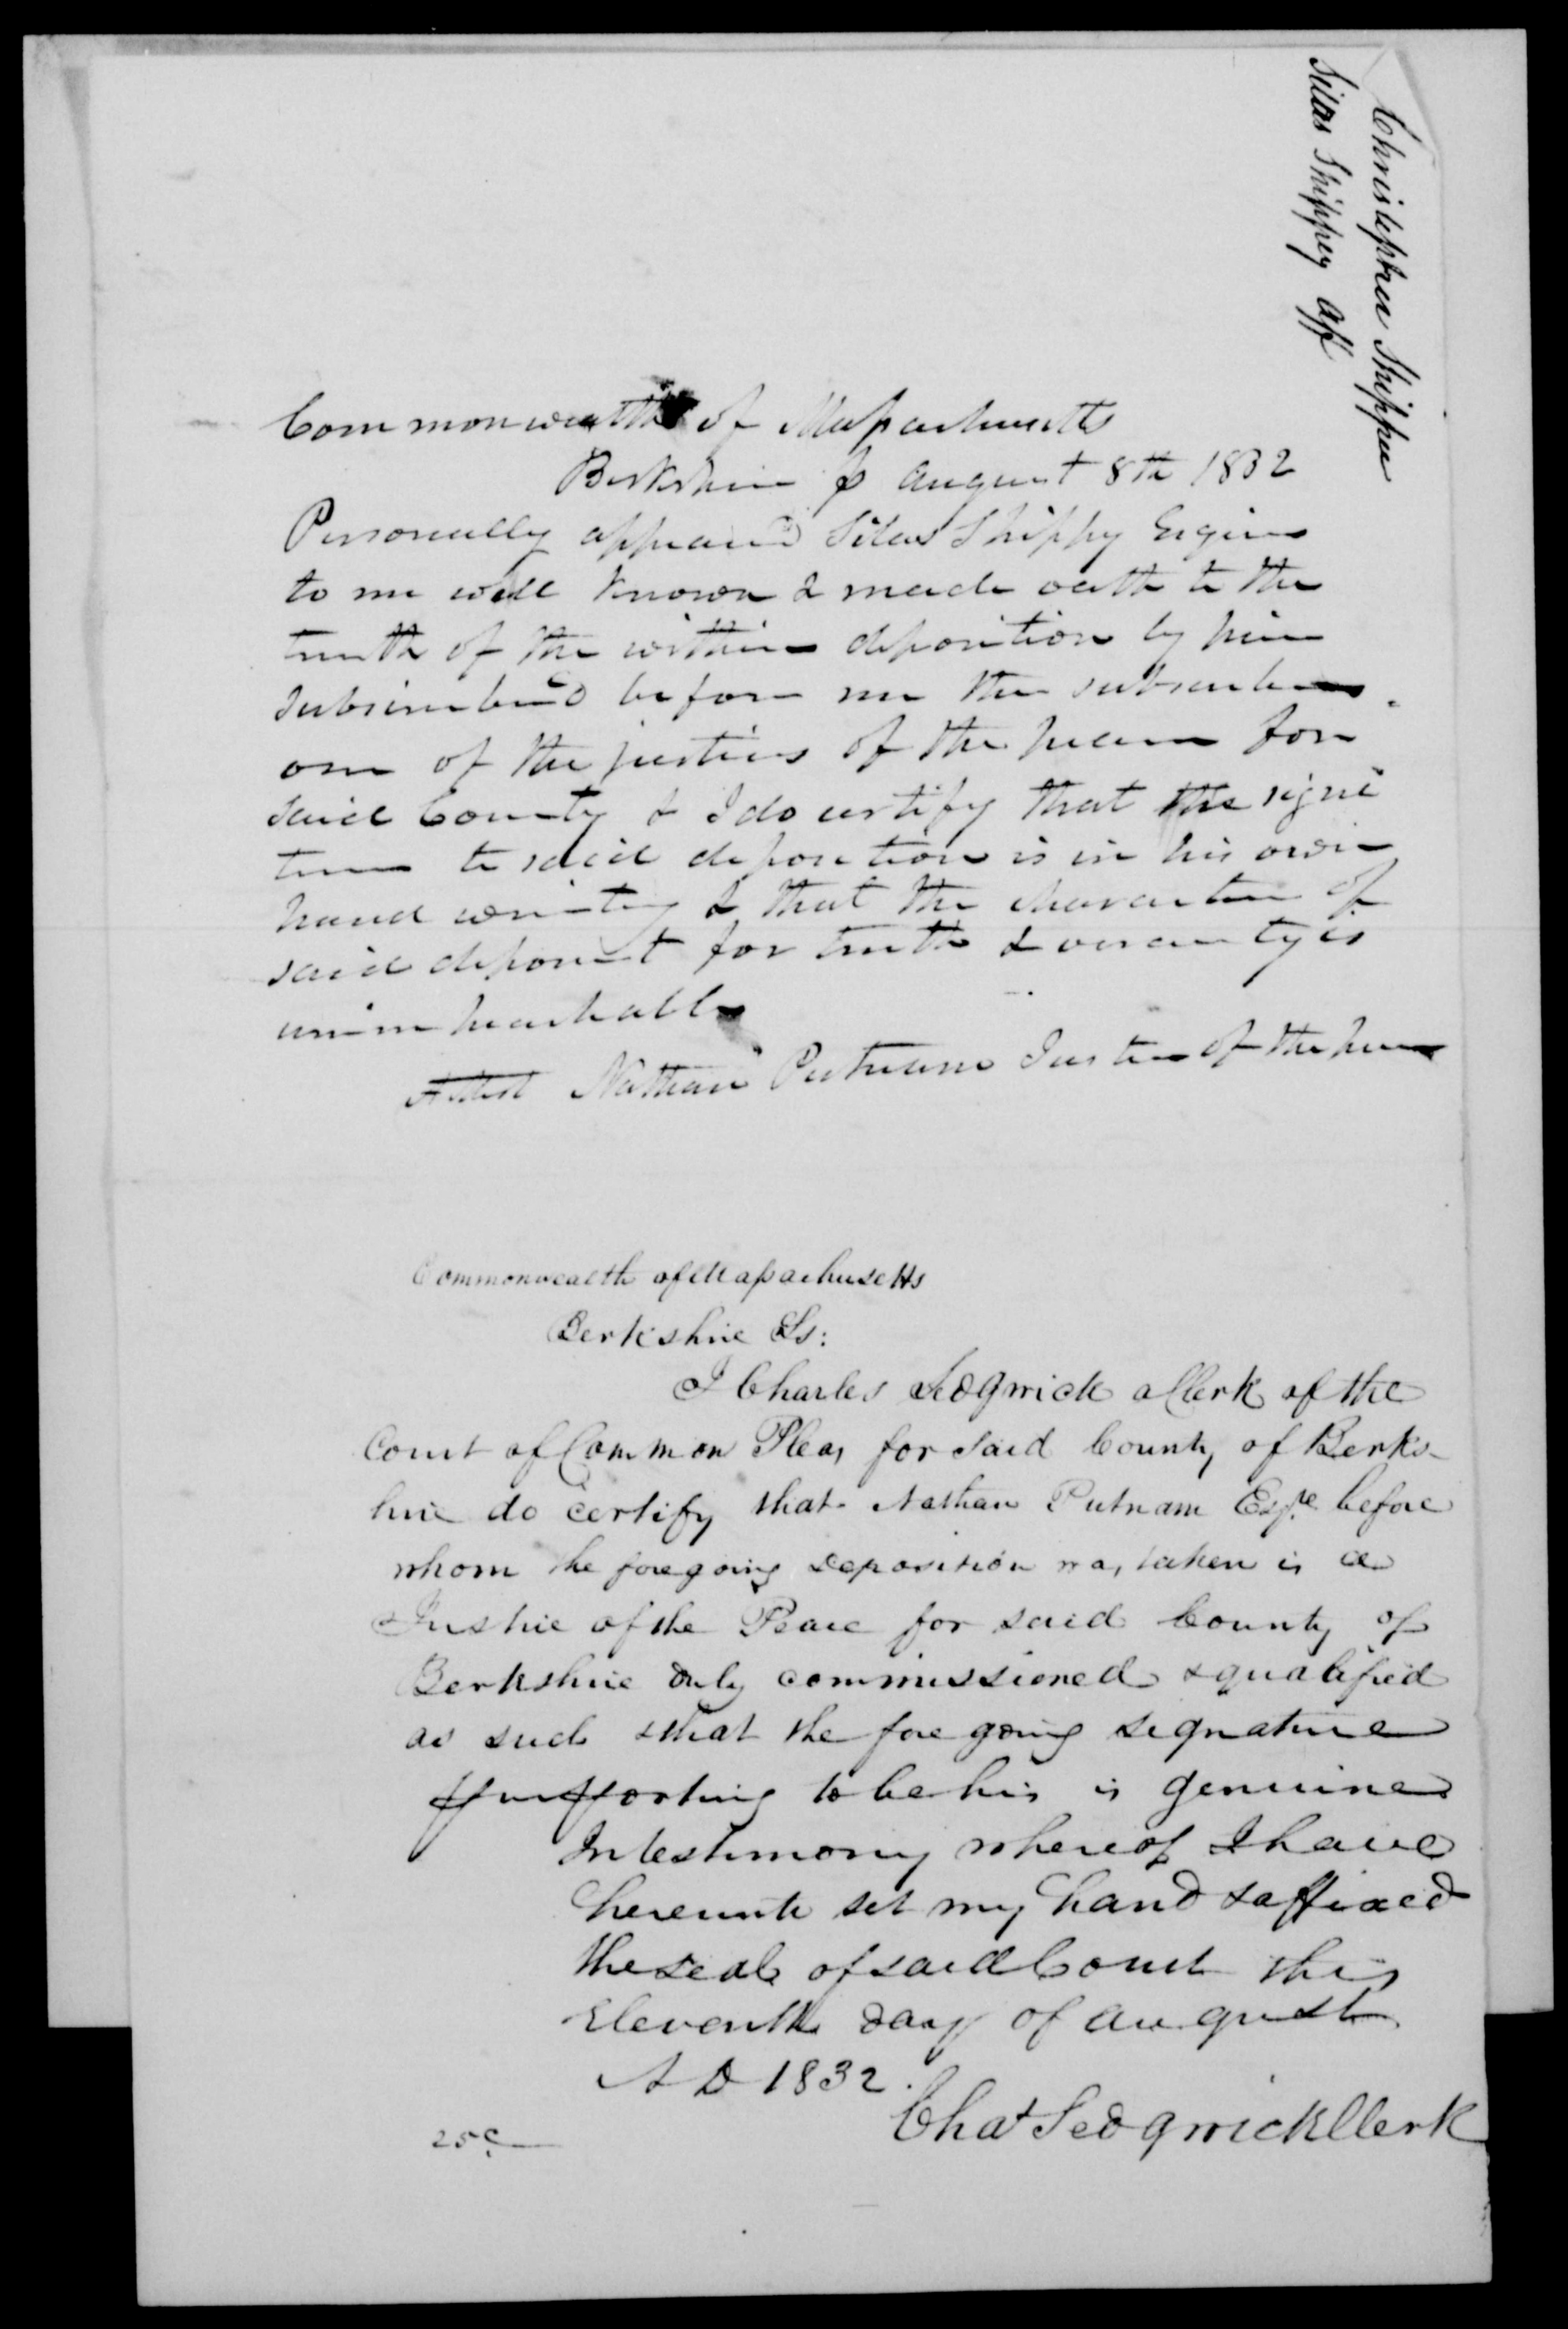Christopher Shippee
Silas Shippey Off
Commonwealth of Massachusetts
[?] of August 8th 1832
Personally appeared Silas Shippey Esquire
to me well known & made oath to the
truth of the within deposition by him
subscribed before me the subscribed
one of the justices of the peace for
said County & I do certify that [?] 
time to did depostion is in his own
hand writing & that the handwriting of
said deponent for truth & veracity is
unimpeachable
Nathan Putnam Justice of the Peace
25


Commonwealth of Massachusetts

Berkshire SS.
I Charles Sedgwick a Clerk of the
Court of Common Mass for said County of Berkshire do certify that Nathan Putnam Esq before whom the foregoing deposition was taken in a Justice of the Peace for said County of Berkshire duly commissioned & qualified
as such that the foregoing signature
purporting to be his is genuine 
In testimony whereof I have
herewith set my hand & affixed
the seal of said Court this
Eleventh day of August AD 1832 
Cha  Sedgwick Clerk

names: Nathan Putnam; Charles Sedgwick; Christopher Shippee; Silas Shippy; Chas Sedgwick; Nathan Putnam; Silas Shippey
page: 16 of 20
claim: survivor's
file: S. 30,698, for Christopher Shippee, Rhode Island